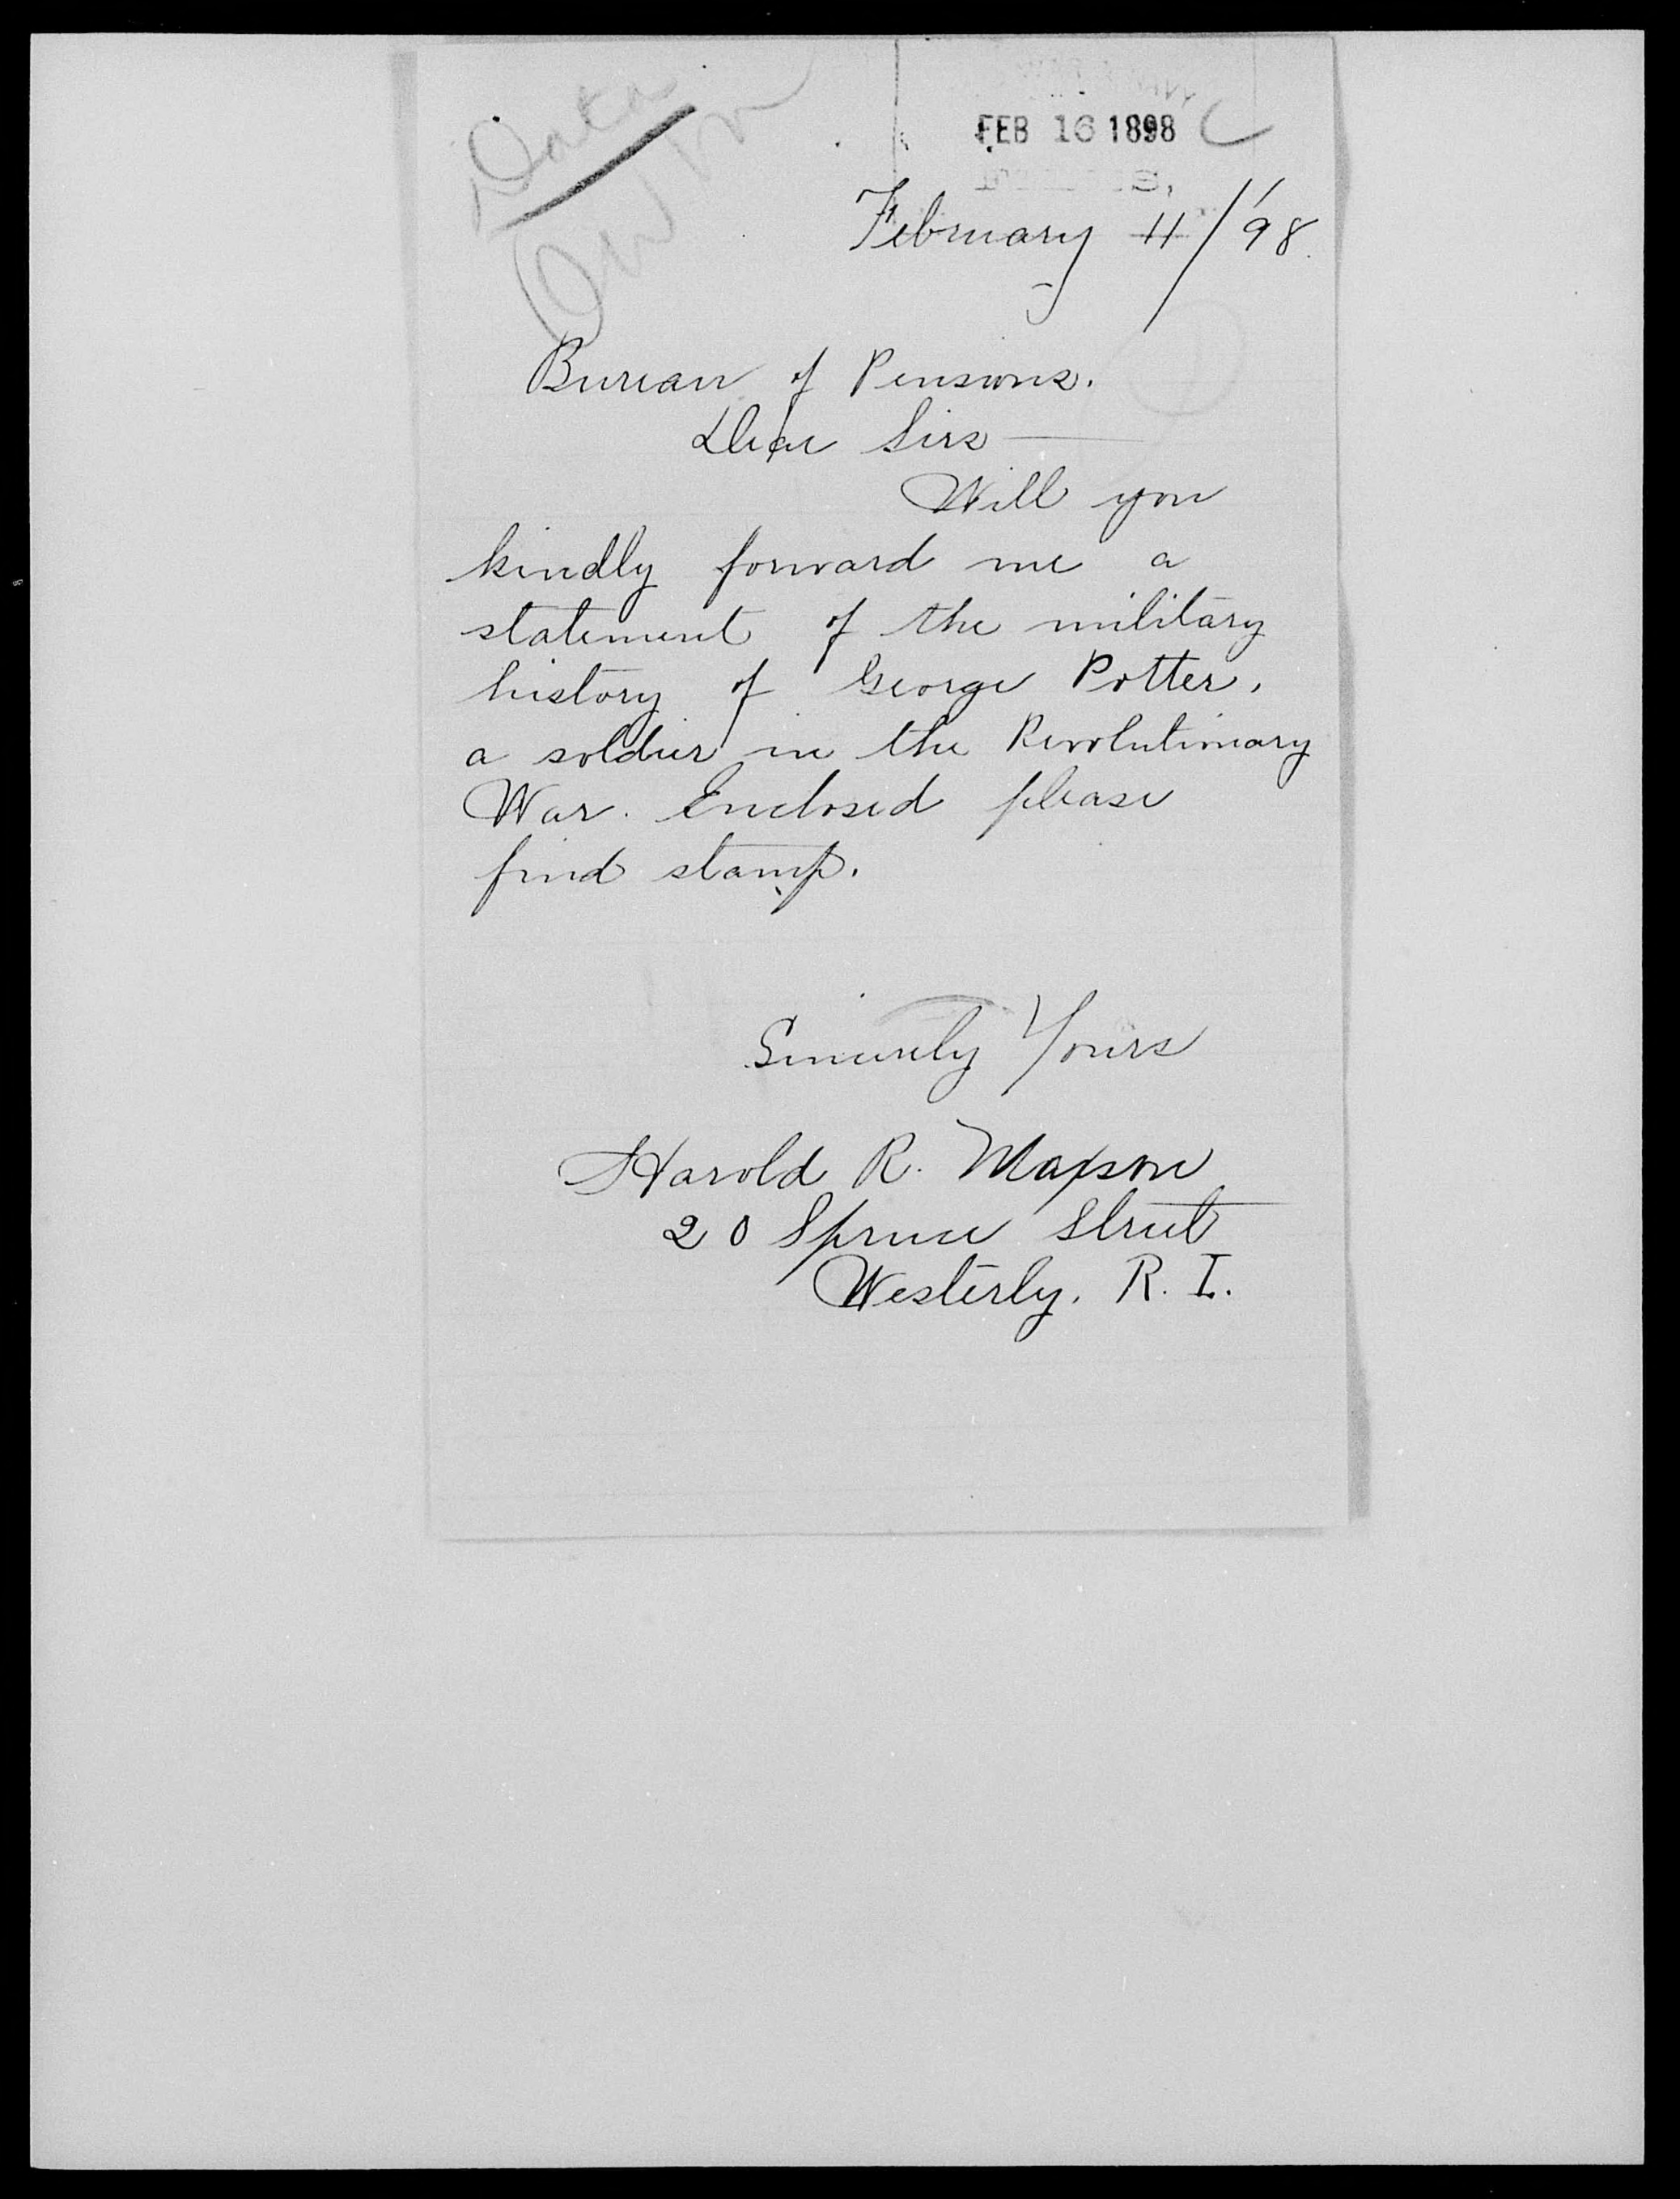Seal: WAR & NAVY FILES
Feb 16 1898

February 11, 1898
Bureau of Pensions
Dear Sirs
Will you kindly forward me a statement of the military history of George Potter, a soldier in the Revolutionary War.  Enclosed please find stamp.
Sincerely Yours
Harold R Maxson
20 Spruce Street
Westerly, RI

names: Harold R Maxson; George Potter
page: 22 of 40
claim: widow's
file: W. 16058, for George Potter, Rhode Island